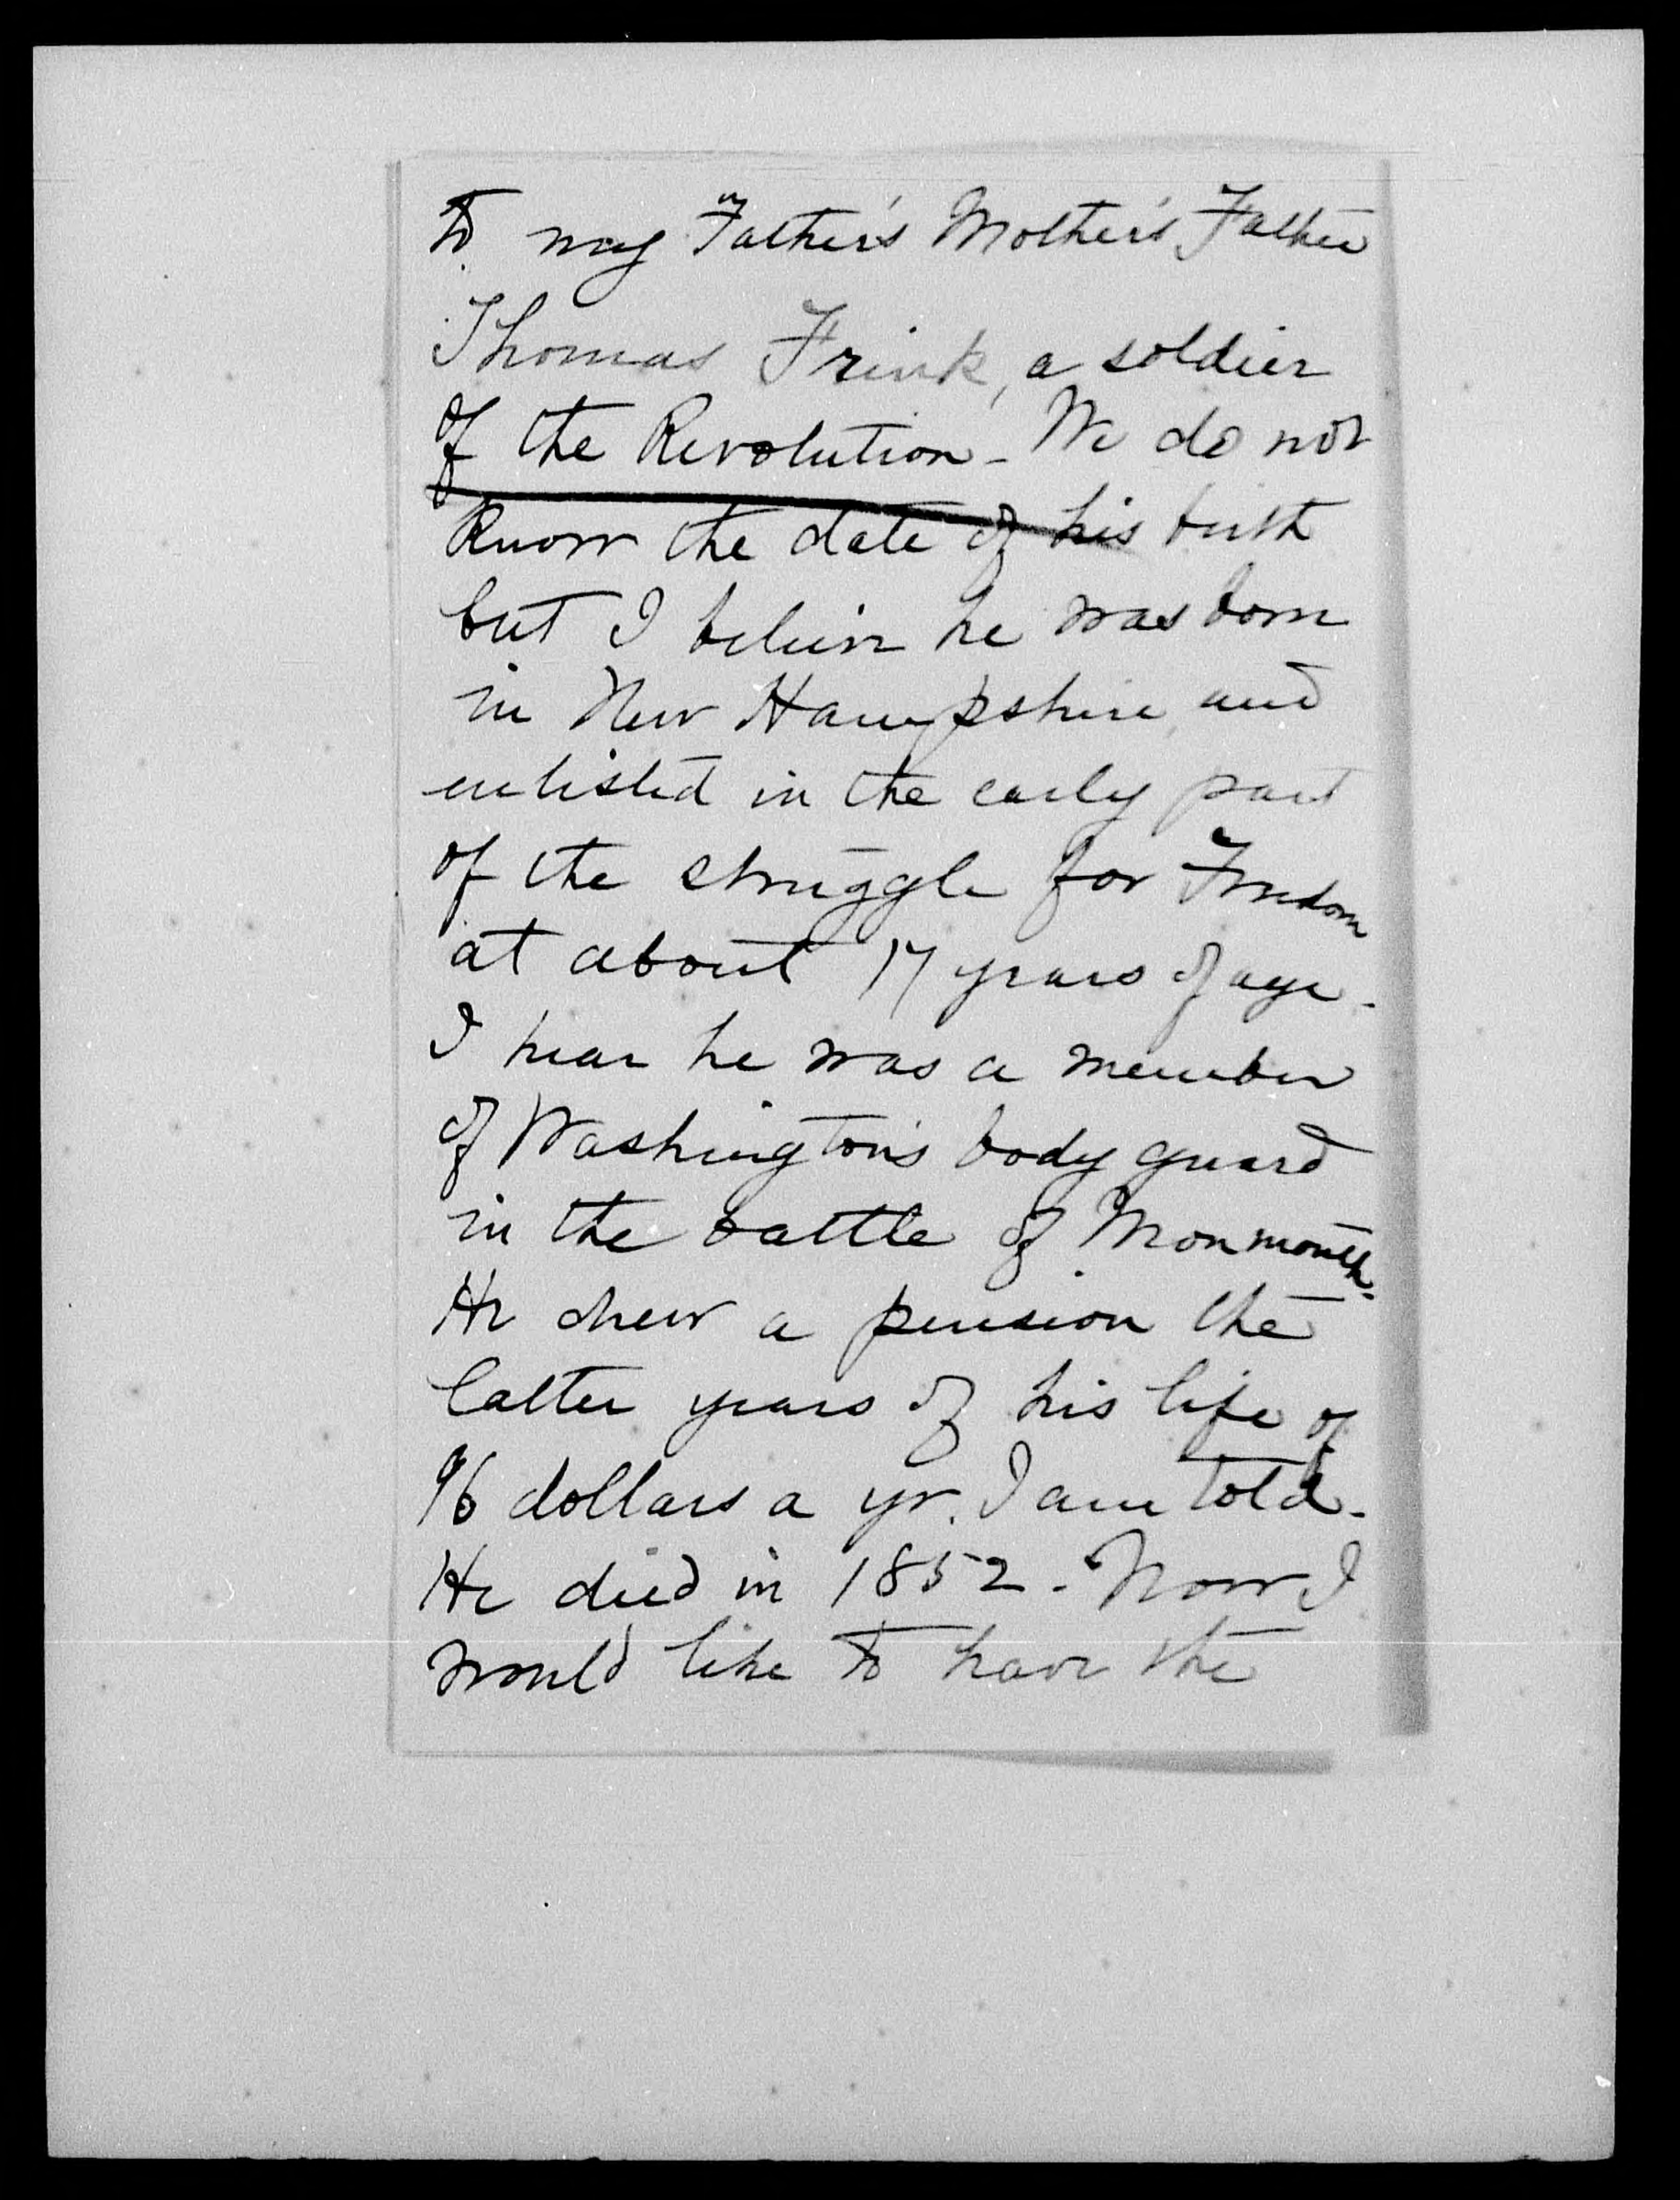to my Father's Mother's Father Thomas rink, a soldier of the Revolution.  We do not know the date of his birth but I believe he was born in New Hampshire and enlisted in the early part of the struggle for Freedom at about 17 years of age.  I hear he was a member of Washington's body guard in the battle of Monmouth.  He drew a a pension the latter years of his life of 96 dollars a year. I am told.  He died in 1852. Nom
I would like to hear the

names: Thomas Frink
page: 24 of 33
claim: survivor's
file: S 43571, Thomas Frink, Mass.